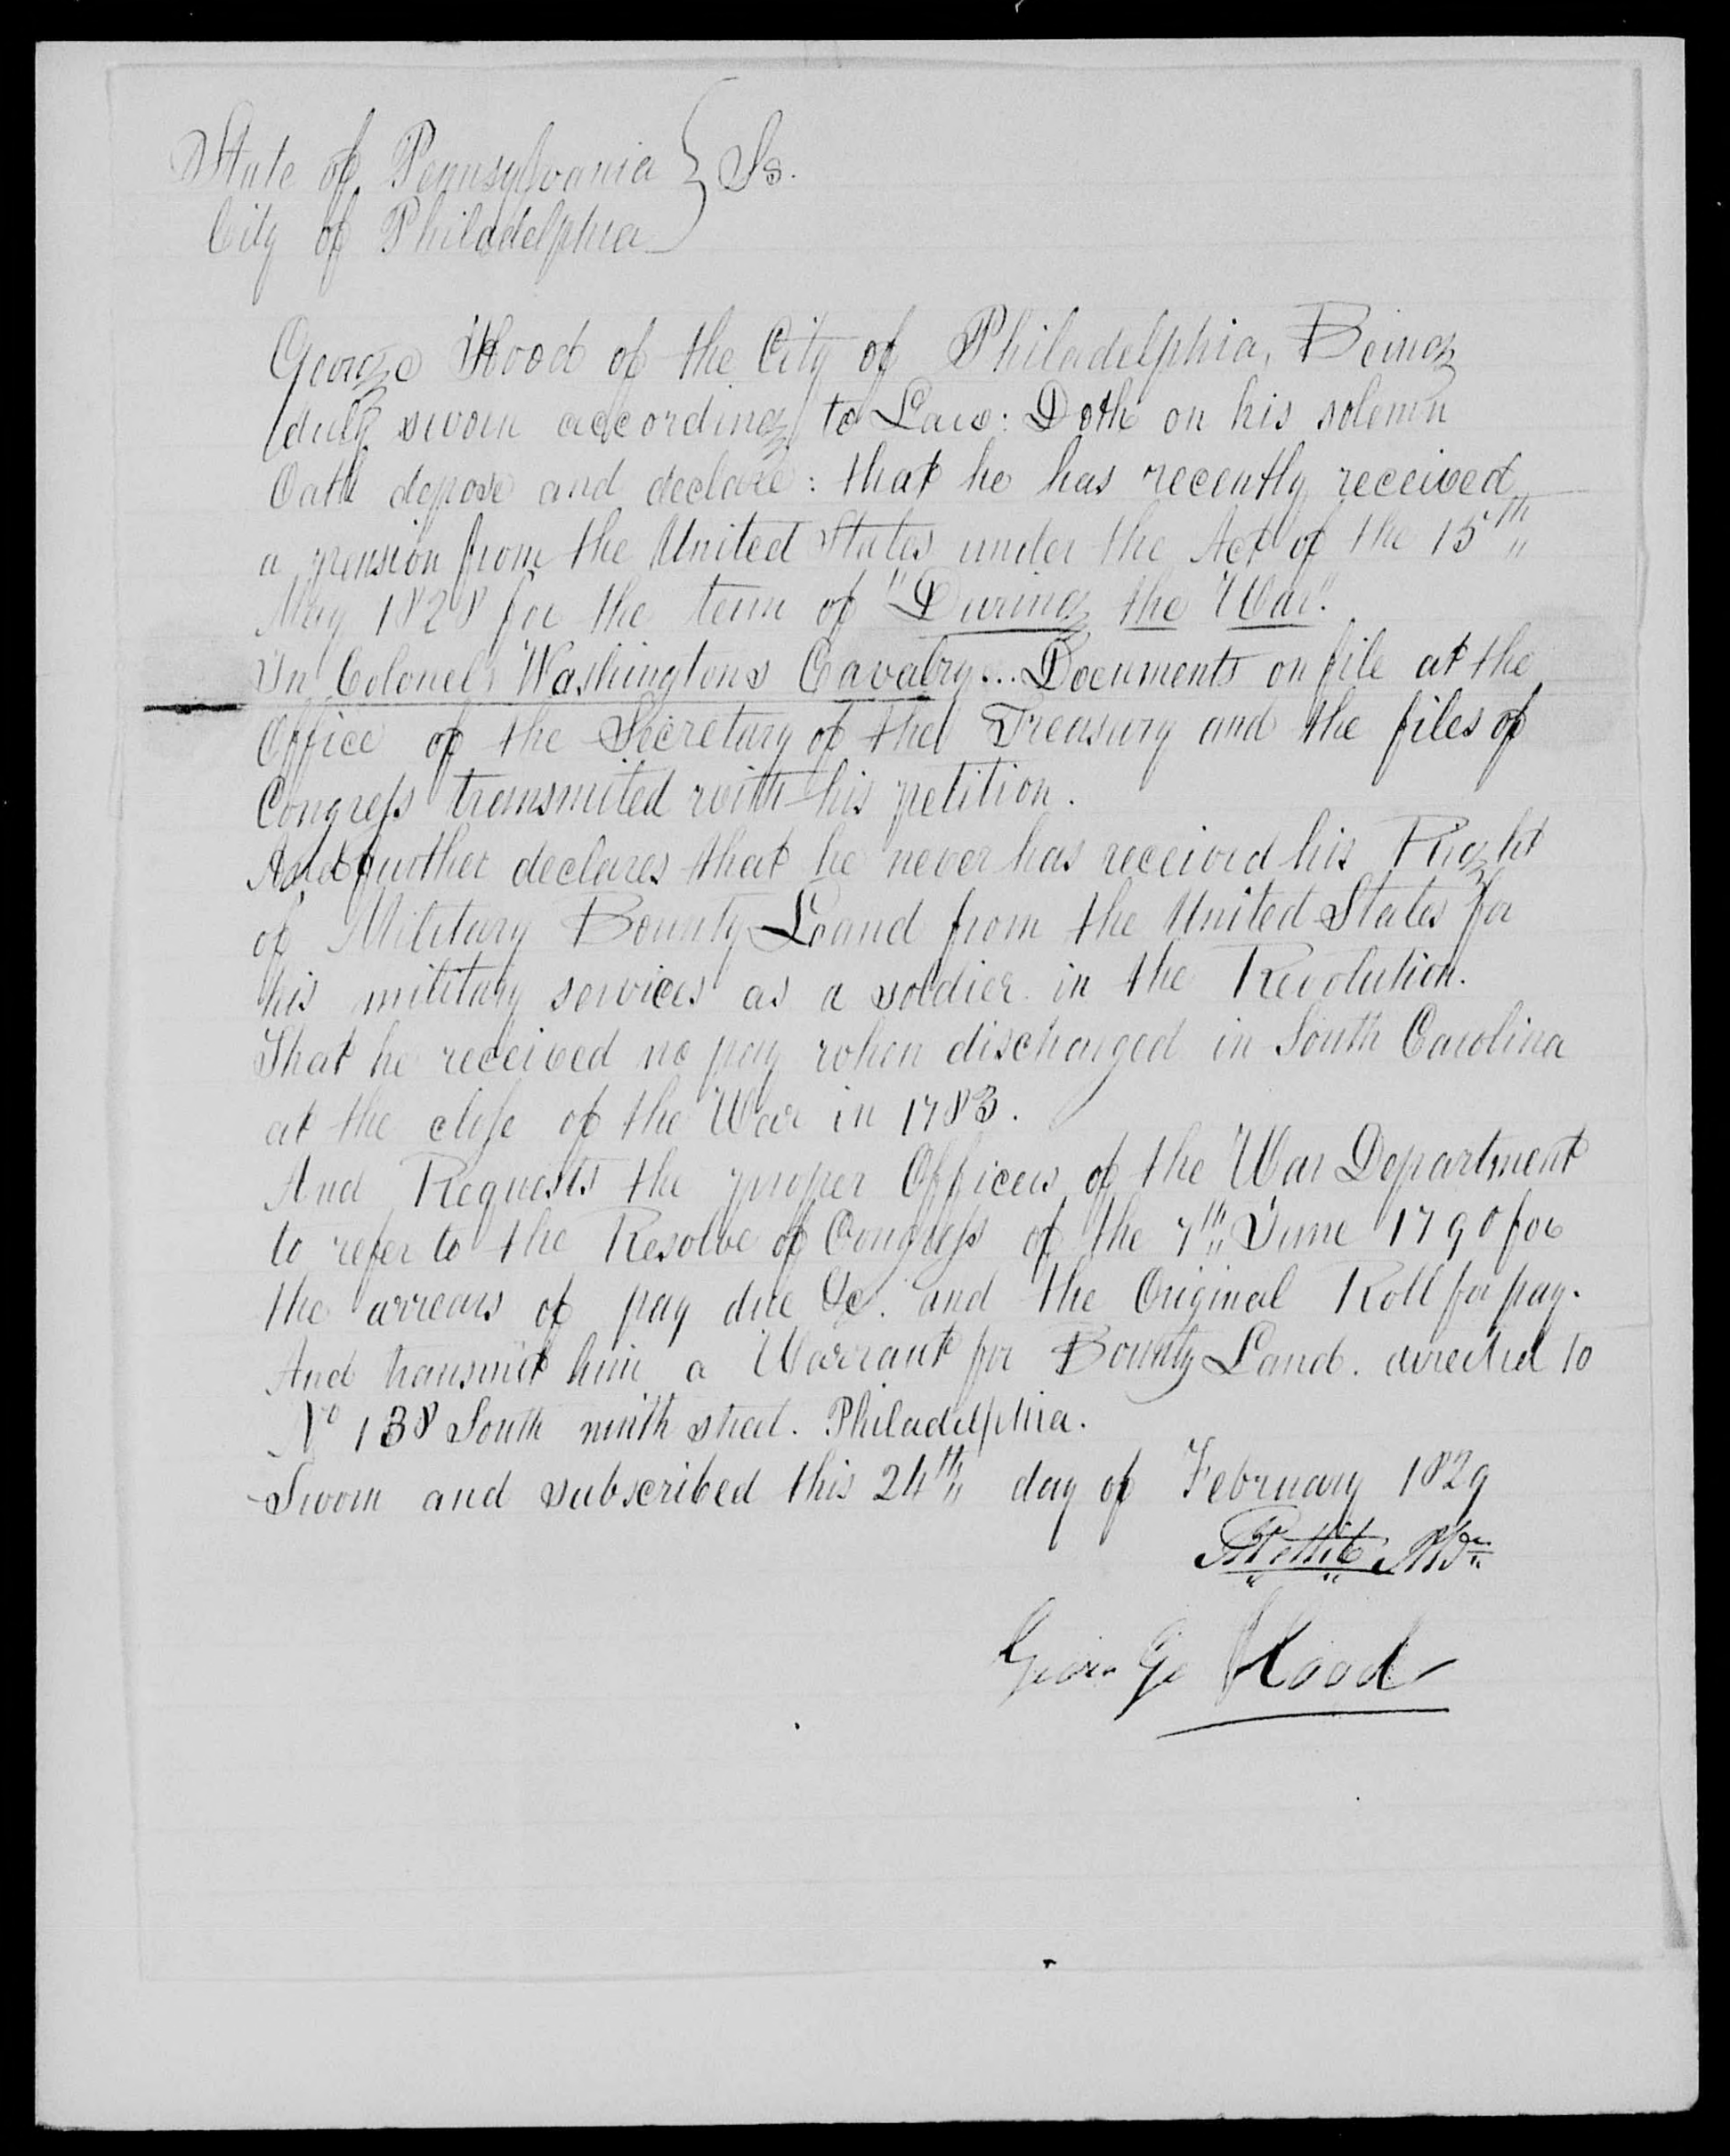State of Pennsylvania 
City of Philadelphia

George Hood of the City of Philadelphia, being duly sworn according to law, doth on his solemn oath deposed and declared: that he has recently received a pension from the United States under the Act of the 15th May 1821 for the term of “during the War.”
Colonel Washington’s Cavalry. Documents on file at the Office of the Secretary of the Treasury and the files of Congress transmitted with his petition.
He further declares that never has received his [Illegible Ink Marks] Bounty Land from the United States for his military service as a soldier in the Revolution. That he received his pay when discharged in South Carolina at the close of the War in 1783. 
And request the proper Offices of the War Department to refer to the resolve of Congress of the 7th June 1790 after the arrears of pay date and the Original Roll for pay. And [Illegible] him a Warrant for Bounty Land, No. 138 South [Illegible] Street, Philadelphia. 
Sworn and subscribed this 24th day of February 1829.
[Illegible Ink Marks]
George Hood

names: George Hood, George Hood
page: 12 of 51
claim: widow's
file: W 8939, George Hood, Continental Va.